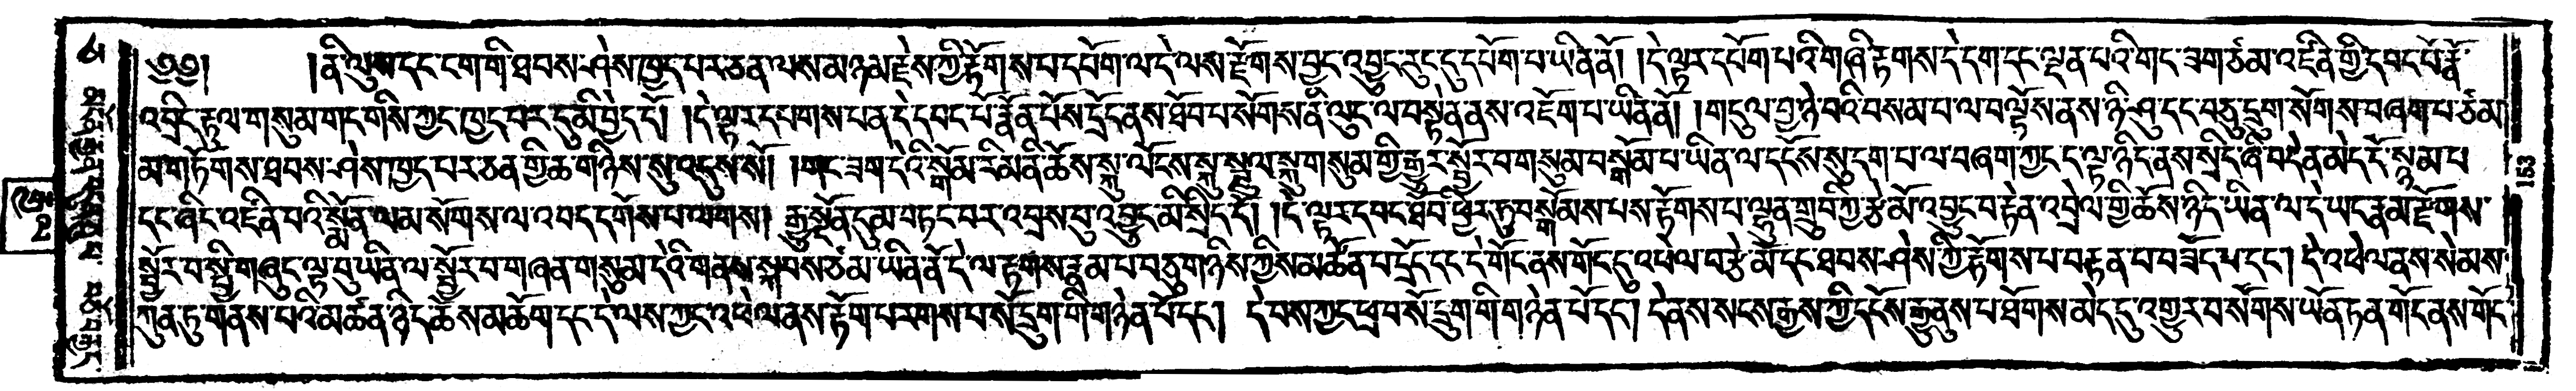༄༅། །ནི་ལུས་དང་ངག་གི་ཐབས་ཤེས་ཁྱད་པར་ཅན་ལས་མཉམ་རྗེས་ཀྱི་རྟོགས་པ་དཔོག་ལ་དེ་ལས་རྫོགས་བྱང་འབྱུང་རུང་དུ་དཔོག་པ་ཡིན་ནོ། །དེ་ལྟར་དཔོག་པའི་གཞི་རྟགས་དེ་དག་དང་ལྡན་པའི་གང་ཟག་ཙམ་འཛིན་གྱི་དབང་པོ་རྣོ་
འབྲིང་རྟུལ་གསུམ་གང་གིས་ཀྱང་ཁྱད་པར་དུ་མི་བྱེད་དོ། །དེ་ལྟར་དཔགས་པ་ན་དེ་དབང་པོ་རྣོན་པོས་དྲོད་ནས་ཐོབ་པ་སོགས་ནི་ལུང་ལ་བསྟེན་ནས་འཇོག་པ་ཡིན་ནོ། །གདུལ་བྱ་ཉེ་བའི་བསམ་པ་ལ་བལྟོས་ནས་ཉི་ཤུ་དང་བཅུ་དྲུག་སོགས་བཞག་པ་ཙམ་
མ་གཏོགས་ཐབས་ཤེས་ཁྱད་པར་ཅན་གྱི་ཆ་གཉིས་སུ་འདུས་སོ། །གང་ཟག་དེའི་སྒོམ་རིམ་ནི་ཆོས་སྐུ་ལོངས་སྐུ་སྦྲུལ་སྐུ་གསུམ་གྱི་རྒྱུར་སྦྱོར་བ་གསུམ་བསྒོམ་པ་ཡིན་ལ་དངོས་སུ་དག་པ་ལ་བཞག་ཀྱང་ད་ལྟ་ཉིད་ནས་སྲིད་ཞི་བདེན་མེད་དོ་སྙམ་པ་
དང་ཞིང་འཛིན་པའི་སྨོན་ལམ་སོགས་ལ་འབད་དགོས་པ་ལགས། རྒྱུ་སྔོན་དུ་མ་བཏང་བར་འབྲས་བུ་འབྱུང་མི་སྲིད་དོ། །དེ་ལྟར་དབང་ཐོབ་ཕྱིར་ཏུ་བསྒོམས་པས་རྟོགས་པ་ལྷུན་གྲུབ་ཀྱི་རྩེ་མོ་འབྱུང་བ་རྟེན་འབྲེལ་གྱི་ཆོས་ཉིད་ཡིན་ལ་དེ་ཡང་རྣམ་རྫོགས་
སྦྱོར་བ་སྤྱི་གཞུང་ལྟ་བུ་ཡིན་ལ་སྦྱོར་བ་གཞན་གསུམ་དེའི་གནས་སྐབས་ཙམ་ཡིན་ནོ་དེ་ལ་རྟགས་རྣམ་པ་བཅུ་གཉིས་ཀྱིས་མཚོན་པ་དྲོད་དང་དེ་གོང་ནས་གོང་དུ་འཕེལ་བ་རྩེ་མོ་དང་ཐབས་ཤེས་ཀྱི་རྟོགས་པ་བརྟན་པ་བཟོད་པ་དང་། དེ་འཕེལ་ནས་སེམས་
ཀུན་ཏུ་གནས་པའི་མཚན་ཉིད་ཆོས་མཆོག་དང་དེ་ལས་ཀྱང་འཕེལ་ནས་རྟོག་པ་རགས་པ་སོ་དྲུག་གི་གཉེན་པོ་དང་། དེ་བས་ཀྱང་ཕྲ་བ་སོ་དྲུག་གི་གཉེན་པོ་དང་། དེ་ནས་སངས་རྒྱས་ཀྱི་དངོས་རྒྱུ་ནུས་པ་ཐོགས་མེད་དུ་འགྱུར་བ་སོགས་ཡོན་ཏན་གོང་ནས་གོང་